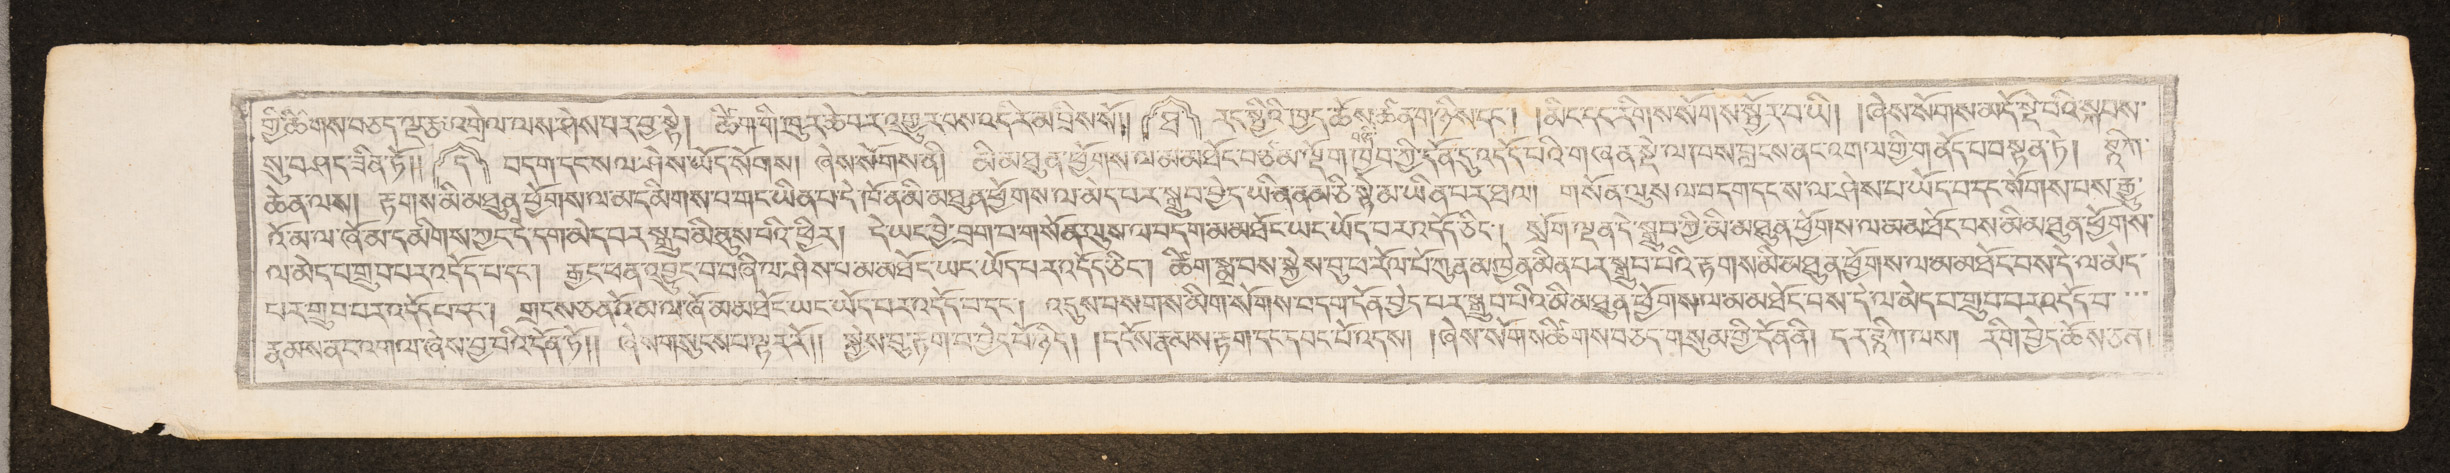གྱི་ཚིགས་བཅད་ལྡ་རྩ་འགྲེལ་ལས་ཤེས་བར་བྱ་སྟེ། ཚིག་གི་ཁུར་ཆེ་བར་འགྱུར་བས་འདིར་མྦྲིས་སོ།། ༼༽ཐ༼༽ རང་སྤྱིའི་ཁྱད་ཆོས་ཚན་གཉིས་དང་། །མིང་དང་རིགས་སོགས་སྦྱོར་བ་ཡི། །ཞེས་སོགས་མདོ་སྡེ་བའི་སྐབས་
སུ་བཤད་ཟིན་ཏོ།། ༼༽ད༼༽ བདག་དང་ས་ལ་ཤེས་ཡོད་སོགས། ཞེས་སོགས་ནི། མི་མཐུན་ཕྱོགས་ལ་མ་མཐོང་བ་ཙམ་ལྡོག་ཁྱབ་ཀྱི་དོན་དུ་འདོད་པའི་གཞན་སྡེ་ལ་ཁས་བླངས་ནང་འགལ་གྱི་གནོད་པ་བསྟན་ཏེ། ཊཱིཀ་
ཆེན་ལས། རྟགས་མི་མཐུན་ཕྱོགས་ལ་མ་དམིགས་པ་གང་ཡིན་པ་དེ་ཁོ་ན་མི་མཐུན་ཕྱོགས་ལ་མེད་པར་སྒྲུབ་བྱེད་ཡིན་ནམ་ཅི་སྟེ་མ་ཡིན་པར་ཐལ། གསོན་ལུས་ལ་བདག་དང་ས་ལ་ཤེས་པ་ཡོད་པ་དང་སོགས་པས་རྒྱུ་
འོ་མ་ལ་ཞོ་མ་དམིགས་ཀྱང་དེ་དག་མེད་པར་སྒྲུབ་མི་ནུས་པའི་ཕྱིར། དེ་ཡང་བྱེ་བྲག་བ་གསོན་ལུས་ལ་བདག་མ་མཐོང་ཡང་ཡོད་པར་འདོད་ཅིང་། སྲོག་ལྡན་དེ་སྒྲུབ་ཀྱི་མི་མཐུན་ཕྱོགས་ལ་མ་མཐོང་བས་མི་མཐུན་ཕྱོགས་
ལ་མེད་པ་གྲུབ་པར་འདོད་པ་དང་། རྒྱང་ཕན་འབྱུང་བ་བཞི་ལ་ཤེས་པ་མ་མཐོང་ཡང་ཡོད་པར་འདོད་ཅིང་། ཚིག་སྨྲ་བས་སྐྱེས་བུ་ཕ་རོལ་པོ་ཀུན་མཁྱེན་མིན་པར་སྒྲུབ་པའི་རྟགས་མི་མཐུན་ཕྱོགས་ལ་མ་མཐོང་བས་དེ་ལ་མེད་
པར་གྲུབ་པར་འདོད་པ་དང་། གྲངས་ཅན་འོ་མ་ལ་ཞོ་མ་མཐོང་ཡང་ཡོད་པར་འདོད་པ་དང་། འདུས་བསགས་མིག་སོགས་བདག་དོན་བྱེད་པར་སྒྲུབ་པའི་མི་མཐུན་ཕྱོགས་ལ་མ་མཐོང་བས་དེ་ལ་མེད་པ་གྲུབ་པར་འདོད་པ་
རྣམས་ནང་འགལ་ཞེས་བྱ་བའི་དོན་ཏོ།། ཞེས་གསུངས་པ་ལྟར་རོ།། སྐྱེས་བུ་རྟག་པ་བྱེད་པོ་ཉིད། །དངོས་རྣམས་རྟག་དང་དབང་པོ་འདས། །ཞེས་སོགས་ཚིགས་བཅད་གསུམ་གྱི་དོན་ནི། དར་ཊཱིཀ་ལས། རིག་བྱེད་ཆོས་ཅན།